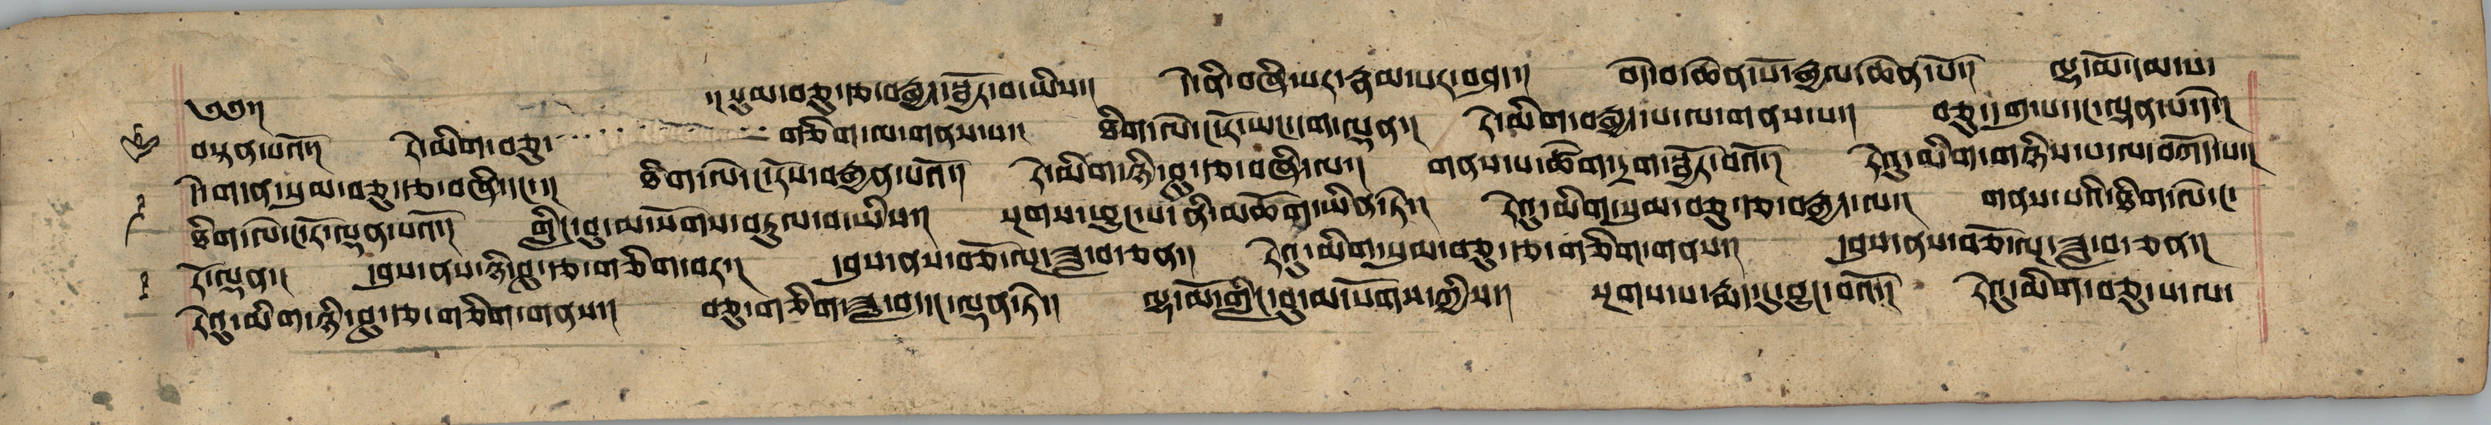༄༅་། ་།སུམ་བཅུ་རྩ་བརྒྱད་སྦྱོར་བ་ཡིས་། དེ་ནི་བཞི་པར་རྣམ་པར་བཤད་། བདེ་བ་ཆེན་པོ་རྒྱལ་ཆེན་པོ་། ལྷ་མོ་དམ་པ་
བསྟན་པའོ་། རེ་མིག་བཅུ་་་་་་་་་གཅིག་ལ་གནས་པ་། ཐིག་ལེ་ང་རོ་ཡང་དག་ལྡན་། རེ་མིག་བརྒྱད་པ་ལ་གནས་པ་། བཅུ་དགུ་པ་དང་ལྡན་པ་དེ་།
དེ་གདན་སུམ་བཅུ་རྩ་བཞི་དང་་། ཐིག་ལེ་ང་རོས་བརྒྱན་པའོ་། རེ་མིག་ཉི་ཤུ་རྩ་བཞི་ལ་། གནས་པ་ཚེག་དྲག་སྦྱོར་བའོ་། རེའུ་མིག་གཉིས་པ་ལ་བཀོད་པ་།
ཐིག་ལེ་ང་རོ་ལྡན་པའོ་། གླིང་བུ་མ་སོགས་བཏུལ་བ་ཡིས་། སྔགས་ཕྱུང་པ་ནི་མཆོག་ཡིན་ཏེ་། རེའུ་མིག་སུམ་བཅུ་རྩ་བརྒྱད་ལ་། གནས་པའི་ཐིག་ལེ་ང་
རོ་ལྡན་། དབུས་ནས་ཉི་ཤུ་རྩ་གཅིག་བར་། དབུས་ནས་བཅོ་ལྔ་ཟླ་བ་ཅན་། རེའུ་མིག་སུམ་བཅུ་རྩ་གཅིག་གནས་། དབུས་ནས་བཅོ་ལྔ་ཟླ་བ་ཅན་།
རེའུ་མིག་ཉི་ཤུ་རྩ་གཅིག་གནས་། བཅུ་གཅིག་ཟླ་བ་དང་ལྡན་ཏེ་། ལྷ་མོ་གླིང་བུ་མ་སོགས་ཀྱིས་། སྔགས་པ་རྨད་དུ་བྱུང་བའོ་། རེའུ་མིག་བཅུ་པ་ལ་